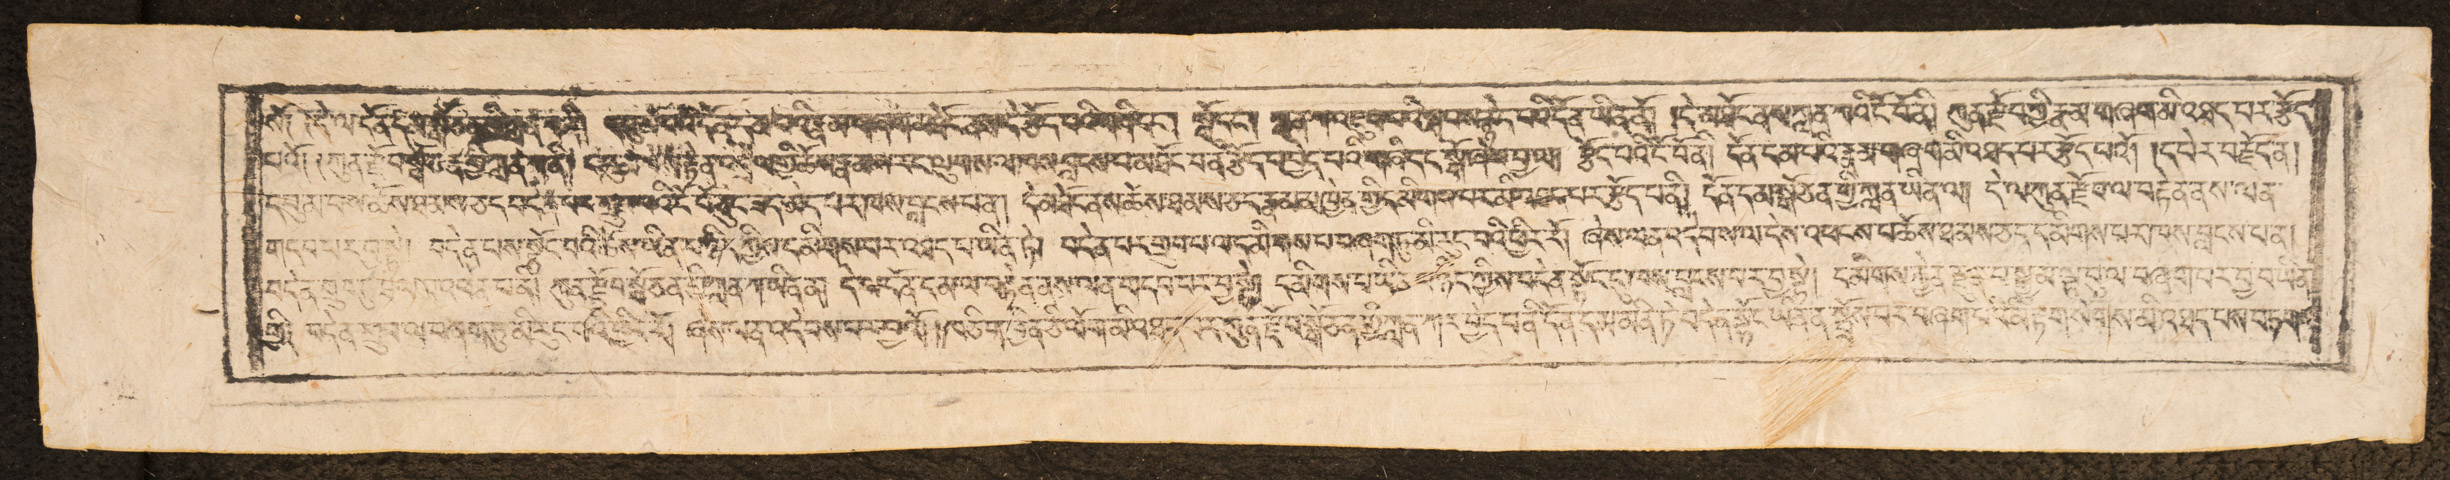སོ། །དེ་ལ་དོན་དམ་སྒོ་ཅན་གྱི་ཀླན་ཀ་ནི། དབུ་མ་པའི་དོན་དམ་པའི་རྣམ་གཞག་མཐོང་ནས་དེ་རྩོད་པའི་གཞི་དང་། སྒོ་དང་། ཀླན་ཀ་འཇུག་པའི་སྐབས་རྙེད་པའི་དོན་ཡིན་ནོ། །དེ་མཐོང་ནས་ཀླན་ཀའི་ངོ་བོ་ནི། ཀུན་རྫོབ་ཀྱི་རྣམ་གཞག་མི་འཐད་པར་རྩོད་
པའོ། །ཀུན་རྫོབ་སྒོ་ཅན་གྱི་ཀླན་ཀ་ནི། དབུ་མ་པས་རྟེན་འབྲེལ་གྱི་ཆོས་རྣམས་རང་ལུགས་ལ་ཁས་བླངས་པ་མཐོང་བ་ནི་རྩོད་པ་བྱེད་པའི་གཞི་དང་སྒོ་ཞེས་བྱ་ལ། རྩོད་པའི་ངོ་བོ་ནི། དོན་དམ་པའི་རྣམ་གཞག་མི་འཐད་པར་རྩོད་པའོ། །དཔེར་བརྗོད་ན།
དབུ་མ་པས་ཆོས་ཐམས་ཅད་བདེན་པར་གྲུབ་པའི་ངོ་བོ་ཅུང་ཟད་མེད་པར་ཁས་བླངས་པ་ན། དེ་མཐོང་ནས་ཆོས་ཐམས་ཅད་རྣམ་མཁྱེན་གྱི་དམིགས་པར་མི་འཐད་པར་རྩོད་པ་ནི། དོན་དམ་སྒོ་ཅན་གྱི་ཀླན་ཡིན་ལ། དེ་ལ་ཀུན་རྫོབ་ལ་བརྟེན་ནས་ལན་
གདབ་པར་བྱ་སྟེ། བདེན་པས་སྟོང་བའི་ཆོས་ཡིན་པ་ཉིད་ཀྱིས་དམིགས་པར་འཐད་པ་ཡིན་ཏེ། བདེན་པར་གྲུབ་པ་ལ་དམིགས་པ་བཞག་ཏུ་མི་རུང་བའི་ཕྱིར་རོ། ཞེས་ལན་འདེབས་ལ་དེས་འཕངས་པ་ཆོས་ཐམས་ཅད་དམིགས་པར་ཁས་བླངས་པ་ན།
བདེན་གྲུབ་ཏུ་ཐལ་བ་འཕེན་པ་ནི། ཀུན་རྫོབ་སྒོ་ཅན་གྱི་ཀླན་ཀ་ཡིན་ན། དེ་ལ་དོན་དམ་ལ་བརྟེན་ནས་ལན་གདབ་པར་བྱ་སྟེ། དམིགས་པ་ཡིན་པ་ཉིད་ཀྱིས་བདེན་སྟོང་དུ་ཁས་བླངས་པར་བྱ་སྟེ། དམིགས་རྐྱེན་རྫུན་པ་སྒྱུ་མ་ལྟ་བུ་ལ་བཞག་པར་བྱ་བ་ཡིན་
གྱི། བདེན་གྲུབ་ལ་བཞག་ཏུ་མི་རུང་བའི་ཕྱིར་རོ། ཞེས་ལན་འདེབས་པར་བྱའོ། །ཁ་ཅིག་ཕྱིན་ཅི་ལོག་མི་འཐད་པར་ཀུན་རྫོབ་སྒོ་ཅན་གྱི་ཀླན་ཀར་བྱེད་པ་ནི་དོན་དམ་མིན་ཏེ་བདེན་སྟོང་ཡིན་ན་སྤྲོས་པར་བཞག་པའི་མི་རྟག་སོགས་མི་འཐད་པས་བཏགས་